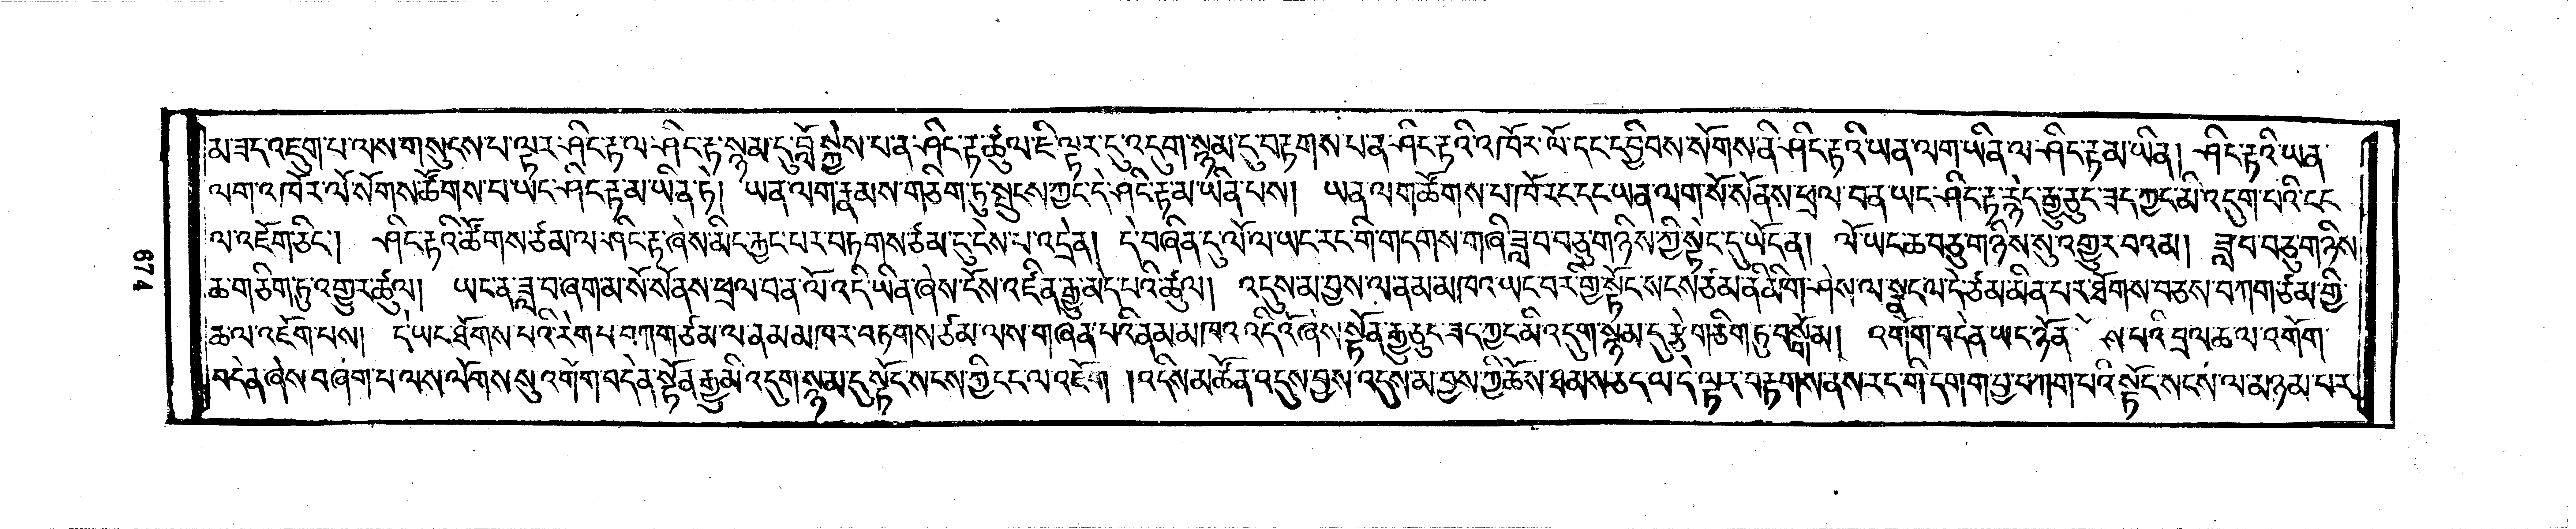མ་ཟད་འཇུག་པ་ལས་གསུངས་པ་ལྟར་ཤིང་རྟ་ལ་ཤིང་རྟ་སྙམ་དུ་བློ་སྐྱེས་པ་ན་ཤིང་རྟ་ཚུལ་ཇི་ལྟར་དུ་འདུག་སྙམ་དུ་བརྟགས་པ་ན་ཤིང་རྟའི་འཁོར་ལོ་དང་དབྱིབས་སོགས་ནི་ཤིང་རྟའི་ཡན་ལག་ཡིན་ལ་ཤིང་རྟ་མ་ཡིན། ཤིང་རྟའི་ཡན་
ལག་འཁོར་ལོ་སོགས་ཚོགས་པ་ཡང་ཤིང་རྟ་མ་ཡིན་ཏེ། ཡན་ལག་རྣམས་གཅིག་ཏུ་སྤུངས་ཀྱང་དེ་ཤིང་རྟ་མ་ཡིན་པས། ཡན་ལག་ཚོགས་པ་ཁོ་རང་དང་ཡན་ལག་སོ་སོ་ནས་ཕྲལ་བ་ན་ཡང་ཤིང་རྟ་རྙེད་རྒྱུ་ཅུང་ཟད་ཀྱང་མི་འདུག་པའི་ངང་
ལ་འཇོག་ཅིང་། ཤིང་རྟའི་ཚོགས་ཙམ་ལ་ཤིང་རྟ་ཞེས་མིང་རྐྱང་པར་བཏགས་ཙམ་དུ་ངེས་པ་འདྲེན། དེ་བཞིན་དུ་ལོ་ལ་ཡང་རང་གི་གདགས་གཞི་ཟླ་བ་བཅུ་གཉིས་ཀྱི་སྟེང་དུ་ཡོད་ན། ལོ་ཡང་ཆ་བཅུ་གཉིས་སུ་འགྱུར་བའམ། ཟླ་བ་བཅུ་གཉིས་
ཆ་གཅིག་ཏུ་འགྱུར་ཚུལ། ཡང་ན་ཟླ་བ་ཞག་མ་སོ་སོ་ནས་ཕྲལ་བ་ན་ལོ་འདི་ཡིན་ཞེས་ངོས་འཛིན་རྒྱུ་མེད་པའི་ཚུལ། འདུས་མ་བྱས་ལ་ནམ་མཁའ་ཡང་བར་གྱི་སྟོང་སངས་ཙམ་ནི་མིག་ཤེས་ལ་སྣང་ལ་དེ་ཙམ་མིན་པར་ཐོགས་བཅས་བཀག་ཙམ་གྱི་
ཆ་ལ་འཇོག་པས། དེ་ཡང་ཐོགས་པའི་རེག་པ་བཀག་ཙམ་ལ་ནམ་མཁར་བཏགས་ཙམ་ལས་གཞན་པའི་ནམ་མཁའ་འདིའོ་ཞེས་སྟོན་རྒྱུ་ཅུང་ཟད་ཀྱང་མི་འདུག་སྙམ་དུ་རྩེ་གཅིག་ཏུ་བསྒོམ། འགོག་བདེན་ཡང་ཉོན་འོངས་པའི་བྲལ་ཆ་ལ་འགོག་
བདེན་ཞེས་བཞག་པ་ལས་ལོགས་སུ་འགོག་བདེན་སྟོན་རྒྱུ་མི་འདུག་སྙམ་དུ་སྟོང་སངས་ཀྱི་ངང་ལ་འཇོག །འདིས་མཚོན་འདུས་བྱས་འདུས་མ་བྱས་ཀྱི་ཆོས་ཐམས་ཅད་ལ་དེ་ལྟར་བརྟགས་ནས་རང་གི་དགག་བྱ་བཀག་པའི་སྟོང་སངས་ལ་མཉམ་པར་